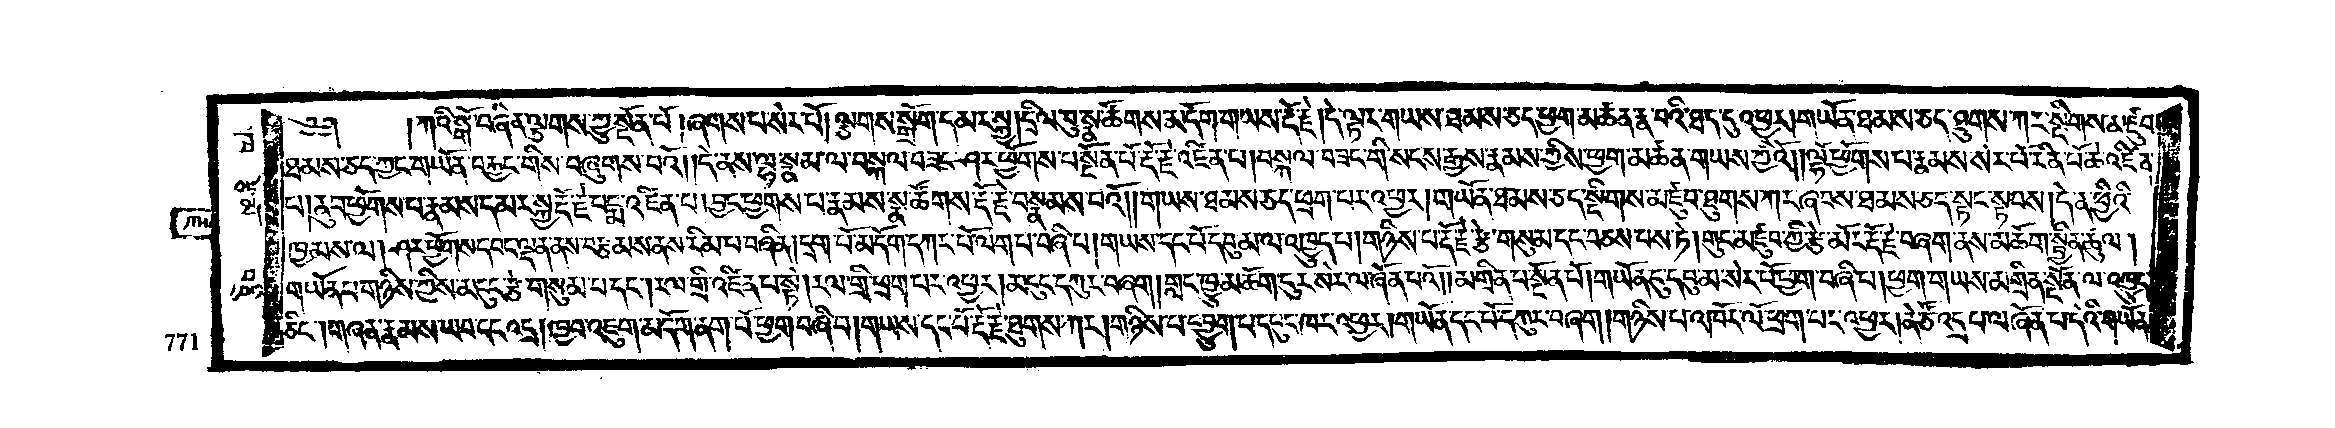༄༅། །ཀའི་སྒོ་བཞིར་ལྕགས་ཀྱུ་སྔོན་པོ། ཞགས་པ་སེར་པོ། ལྕགས་སྒྲོག་དམར་སྐྱ། དྲིལ་བུ་སྣ་ཚོགས་མདོག་གཡས་རྡོ་རྗེ། དེ་ལྟར་གཡས་ཐམས་ཅད་ཕྱག་མཚན་རྣ་བའི་ཐད་དུ་འཕྱར། གཡོན་ཐམས་ཅད་ཐུགས་ཀར་སྡིགས་མཛུབ་
ཐམས་ཅད་ཀྱང་གཡོན་བརྐྱང་གིས་བཞུགས་པའོ། །དེ་ནས་ལྷ་སྣམ་ལ་བསྐལ་བཟང་ཤར་ཕྱོགས་པ་སྔོན་པོ་རྡོ་རྗེ་འཛིན་པ། བསྐལ་བཟང་གི་སངས་རྒྱས་རྣམས་ཀྱིས་ཕྱག་མཚན་གཡས་ཀྱིའོ། །ལྷོ་ཕྱོགས་པ་རྣམས་སེར་པོ་རིན་པོ་ཆེ་འཛིན་
པ། ནུབ་ཕྱོགས་པ་རྣམས་དམར་སྐྱ་རྡོ་རྗེ་པདམ་འཛིན་པ། བྱང་ཕྱོགས་པ་རྣམས་སྣ་ཚོགས་རྡོ་རྗེ་བསྣམས་པའོ། །གཡས་ཐམས་ཅད་ཕྲག་པར་འཕྱར། གཡོན་ཐམས་ཅད་སྡིགས་མཛུབ་ཐུགས་ཀར་ཞབས་ཐམས་ཅད་སྟང་སྟབས། དེ་ན་ཕྱིའི་
ཁྱམས་ལ། ཤར་ཕྱོགས་དབང་ལྡན་ནས་བརྩམས་ནས་རིམ་པ་བཞིན། དྲག་པོ་མདོག་དཀར་པོ་ལག་པ་བཞི་པ། གཡས་དང་པོ་དབུ་མ་ལ་འཁྱུད་པ། གཉིས་པ་རྡོ་རྗེ་རྩེ་གསུམ་དང་བཅས་པས་ཏེ། གུང་མཛུབ་ཀྱི་རྩེ་མོར་རྡོ་རྗེ་བཞག་ནས་མཆོག་སྦྱིན་ཚུལ།
གཡོན་པ་གཉིས་ཀྱིས་མདུད་རྩེ་གསུམ་པ་དང་། རལ་གྲི་འཛིན་པ་སྟེ། རལ་གྲི་ཕྲག་པར་འཕྱར། མདུང་དཀུར་བཞག །གླང་ཁྱུ་མཆོག་དུར་སེར་ལ་ཞོན་པའོ། །མགྲིན་པ་སྔོན་པོ། གཡོན་དུ་དབུ་མ་སེར་པོ་ཕྱག་བཞི་པ། ཕྱག་གཡས་མགྲིན་སྔོན་ལ་འཁྱུད་
ཅིང་།གཞན་རྣམས་ཡབ་དང་འདྲ། ཁྱབ་འཇུག་མདོག་ནག་པོ་ཕྱག་བཞི་བ། གཡས་དང་པོ་རྡོ་རྗེ་ཐུགས་ཀར། གཉིས་པ་དབྱུག་པ་དཔུང་ཁར་འཕྱིར། གཡོན་དང་པོ་དཀུར་བཞག །གཉིས་པ་འཁོར་ལོ་ཕྲག་པར་འཕྱིར། ནེ་ཙོ་འདྲ་པ་ལ་ཞོན་པ་དེའི་གཡོན་